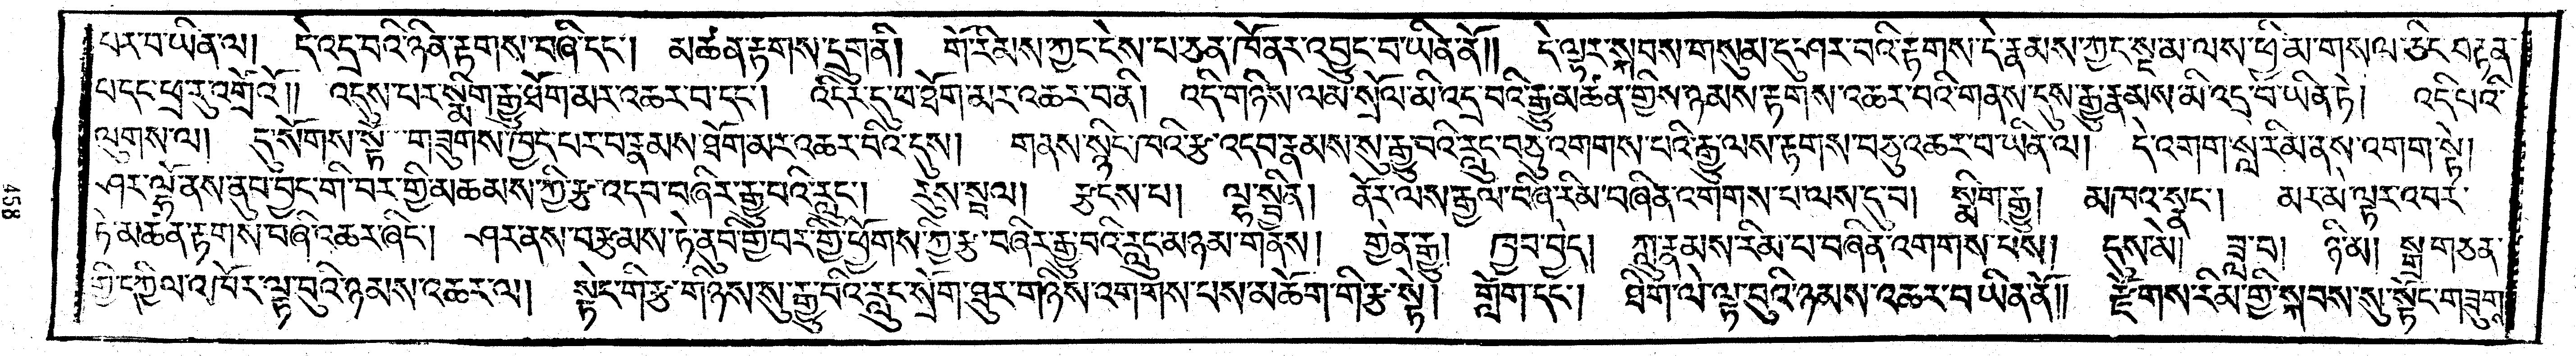པར་བ་ཡིན་ལ། དེ་འདྲ་བའི་ཉིན་རྟགས་བཞི་དང་། མཚན་རྟགས་དྲུག་ནི། གོ་རིམས་ཀྱང་ངེས་པ་ཅན་ཁོ་ནར་འབྱུང་བ་ཡིན་ནོ།། དེ་ལྟར་སྐབས་གསུམ་དུ་ཤར་བའི་རྟགས་དེ་རྣམས་ཀྱང་སྔ་མ་ལས་ཕྱི་མ་གསལ་ཅིང་བརྟན་
པ་དང་ཕྲ་རུ་འགྲོའོ།། འདུས་པར་སྨིག་རྒྱུ་ཐོག་མར་འཆར་བ་དང་། འདིར་དུ་ཕ་ཐོག་མར་འཆར་བ་ནི། འདི་གཉིས་ལམ་སྲོལ་མི་འདྲ་བའི་རྒྱུ་མཚན་གྱིས་ཉམས་རྟགས་འཆར་བའི་གནས་དུས་རྒྱུ་རྣམས་མི་འདྲ་བ་ཡིན་ཏེ། འདི་པའི་
ལུགས་ལ། དུ་སོགས་སྟོ་གཟུགས་ཁྱད་པར་བ་རྣམས་ཐོག་མར་འཆར་བའི་དུས། གནས་སྙིང་ཁའི་རྩ་འདབ་རྣམས་སུ་རྒྱུ་བའི་རླུང་བཅུ་འགགས་པའི་རྒྱུ་ལས་རྟགས་བཅུ་འཆར་བ་ཡིན་ལ། དེ་འགག་སླ་རིམ་ནས་འགག་སྟེ།
ཤར་ལྷོ་ནས་ནུབ་བྱང་གི་བར་གྱི་མཆམས་ཀྱི་རྩ་འདབ་བཞིར་རྒྱུ་པའི་རླུང་། རུས་སྦལ། རྩངས་པ། ལྷ་སྦྱིན། ནོར་ལས་རྒྱལ་བཞི་རིམ་བཞིན་འགགས་པ་ལས་དུ་བ། སྨིག་རྒྱུ། མཁའ་སྣང་། མར་མེ་ལྟར་འབར་
ཏེ་མཚན་རྟགས་བཞི་འཆར་ཞིང་། ཤར་ནས་བརྩམས་ཏེ་ནུབ་གྱི་བར་གྱི་ཕྱོགས་ཀྱི་རྩ་བཞིར་རྒྱུ་བའི་རླུང་མཉམ་གནས། གྱེན་རྒྱུ། ཁྱབ་བྱེད། ཀླུ་རྣམས་རིམ་པ་བཞིན་འགགས་པས། དུས་མེ། ཟླ་བ། ཉི་མ། སྒྲ་གཅན་
གྱི་དཀྱིལ་འཁོར་ལྟ་བུའི་ཉམས་འཆར་ལ། སྟེང་གི་རྩ་གཉིས་སུ་རྒྱུ་བའི་རླུང་སྲོག་ཐུར་གཉིས་འགགས་པས་མཆོག་གི་རྩ་སྟེ། གློག་དང་། ཐིག་ལེ་ལྟ་བུའི་ཉམས་འཆར་བ་ཡིན་ནོ།། རྫོགས་རིམ་གྱི་སྐབས་སུ་སྟོང་གཟུགས་